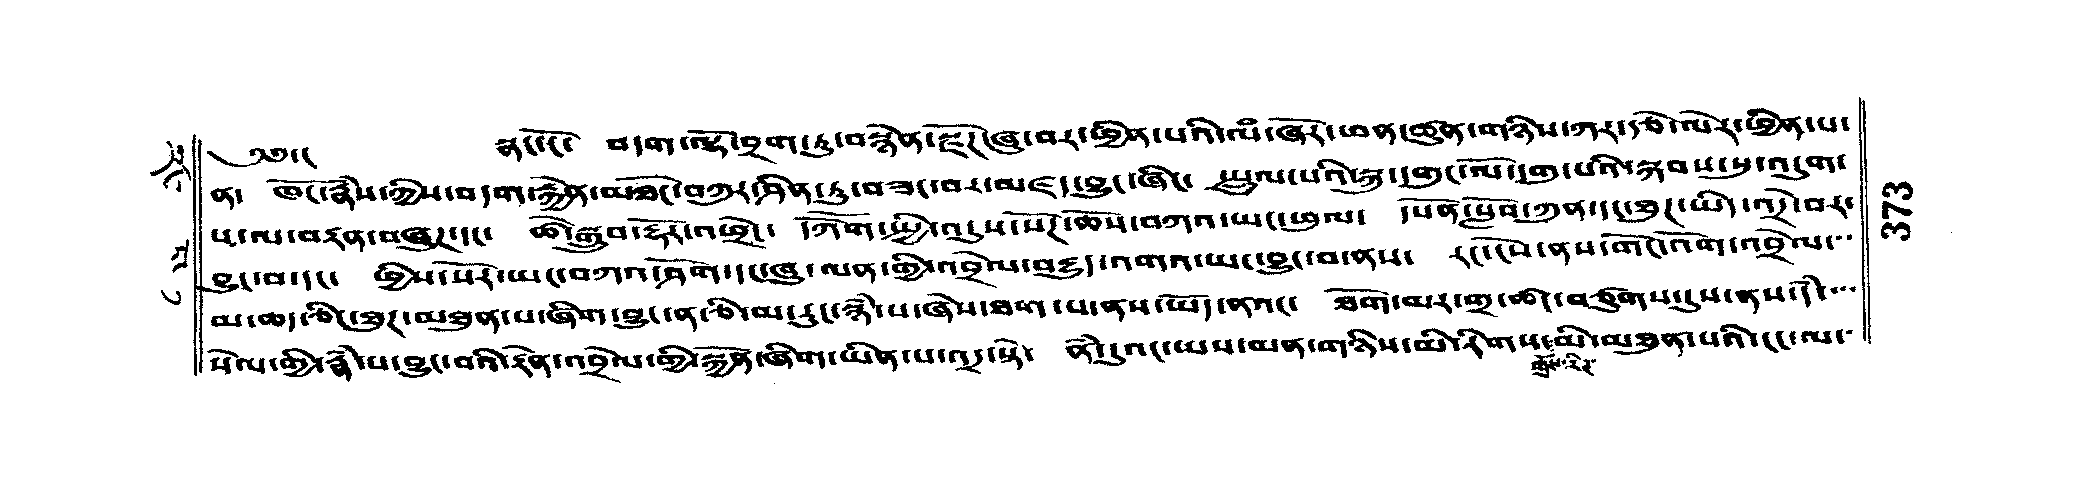སྣང་ངོ་། བདག་ལྷོ་བྲག་ཏུ་བསྙེན་རྫོགས་ཞུ་བར་ཕྱིན་པའི་ལམ་ཞོར་ཕན་ཚུན་གཉིས་ཀར་རྩེ་ལེར་ཕྱིན་པ་
ན། ཁོང་རྣམས་ཀྱིས་བདག་རྐྱེན་མཐོང་བཀུར་ཤིན་ཏུ་བཟང་བར་མཛད་བྱུང་ཞིང་། སྤྲུལ་པའི་སྐུ་དགུང་ལོ་དགུ་པའི་སྐབས་སུ་འདུག་
པ་ལ་བརྟན་བཞུགས་དང་། ཚེ་སྒྲུབ་རྡོར་འཕྲེང་དཀོན་མཆོག་སྤྱི་འདུས་སོགས་ཆོས་བཀའ་ཡང་ཕུལ། དཔོན་སློབ་ཀུན་དང་ཐུགས་ཡིད་འདྲེས་བར་
བྱུང་བ་དང་། ཕྱིས་སོར་ཡང་བཀའ་ཤོག་དང་ཞུ་ལན་གྱི་འབྲེལ་བརྒྱུད་འགའ་ཡང་བྱུང་བ་ནས། རང་ངོས་ནས་གོང་འོག་འབྲེལ་
མ་ཆད་ཅིང་ཐུགས་མཐུན་པ་ཞིག་བྱུང་ན་ཅི་མ་རུང་སྙམ་པ་ཞེས་ཐག་པ་ནས་ཡོད་ནའང་། ཐོག་མར་གྲྭ་ཚང་གཙུགས་དུས་ནས་དམ་
སེལ་གྱི་རྣམ་པ་བྱུང་བའི་རྟེན་འབྲེལ་གྱི་སྐྱོན་ཞིག་ཡིན་པ་འདྲ་སྟེ། ནམ་དུའང་ཡས་མས་གཉིས་མི་རིགས་གྲོས་རིགས་མི་མཐུན་པའི་ངང་ལ་